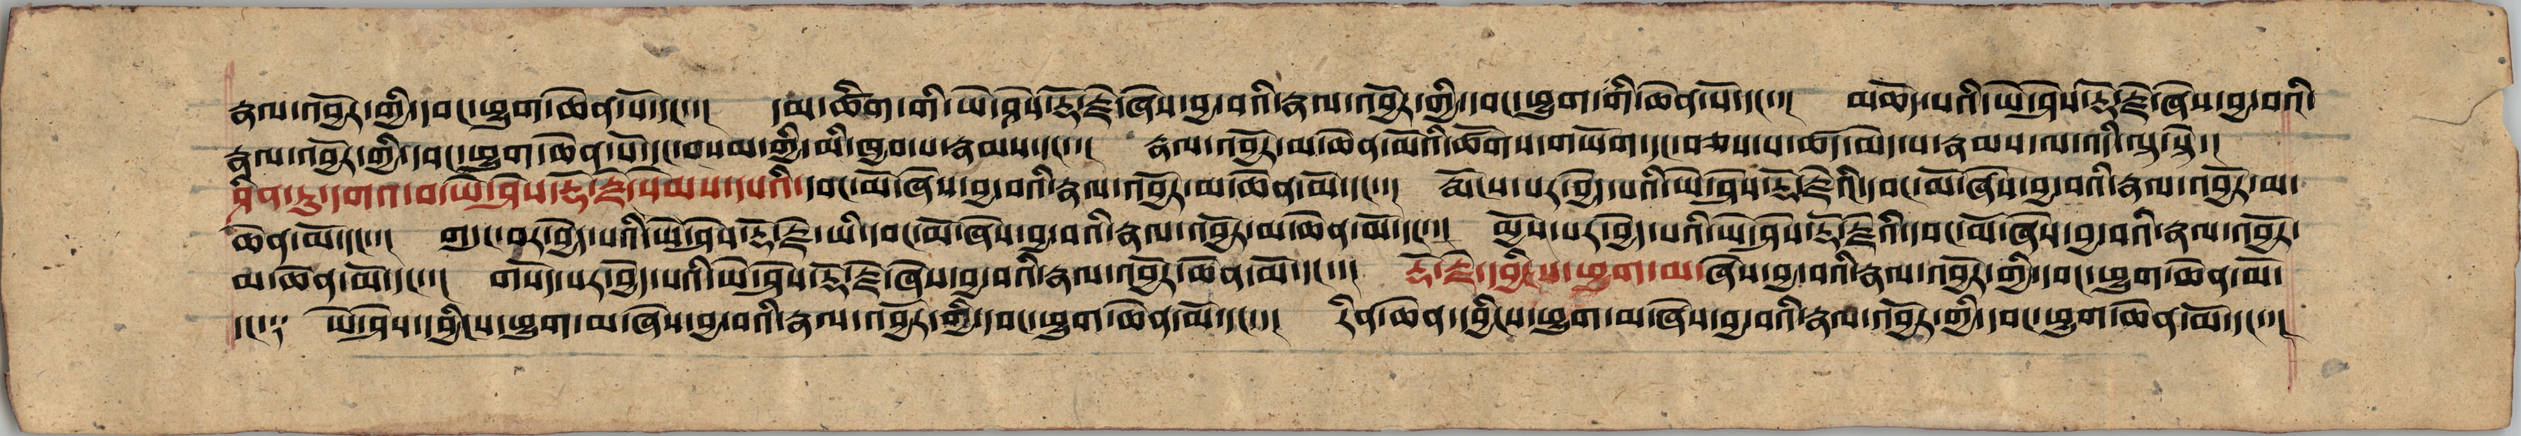རྣལ་འབྱོར་གྱི་དབང་ཕྱུག་ཆེན་པོ་དང་་། དམ་ཚིག་གི་ཡེ་ཤེས་རྡོ་རྗེ་ཞེས་བྱ་བའི་རྣལ་འབྱོར་གྱི་དབང་ཕྱུག་གི་ཆེན་པོ་དང་་། མཆོད་པའི་ཡེ་ཤེས་རྡོ་རྗེ་ཞེས་བྱ་བའི་
རྣལ་འབྱོར་གྱི་དབང་ཕྱུག་ཆེན་པོ་དང་བསམ་གྱི་མི་ཁྱབ་པ་རྣམས་དང་་། རྣལ་འབྱོར་མ་ཆེན་མོའི་ཚོགས་གཡོག་དང་བཅས་པ་ཚད་མེད་པ་རྣམས་ལ་འདི་ལྟ་སྟེ་།
ཤིན་ཏུ་དགའ་བ་ཡེ་ཤེས་རྡོ་རྗེ་སེམས་དཔའི་དབང་མོ་ཞེས་བྱ་བའི་རྣལ་འབྱོར་མ་ཆེན་མོ་དང་་། རྨོངས་པར་བྱེད་པའི་ཡེ་ཤེས་རྡོ་རྗེའི་དབང་མོ་ཞེས་བྱ་བའི་རྣལ་འབྱོར་མ་
ཆེན་པོ་དང་་། གདུང་བར་བྱེད་པའི་ཡེ་ཤེས་རྡོ་རྗེ་ཡི་དབང་མོ་ཞེས་བྱ་བའི་རྣལ་འབྱོར་མ་ཆེན་མོ་དང་་། མྱོས་པར་བྱེད་པའི་ཡེ་ཤེས་རྡོ་རྗེའི་དབང་མོ་ཞེས་བྱ་བའི་རྣལ་འབྱོར་
མ་ཆེན་མོ་དང་་། གསོད་པར་བྱེད་པའི་ཡེ་ཤེས་རྡོ་རྗེ་ཞེས་བྱ་བའི་རྣལ་འབྱོར་ཆེན་མོ་དང་་། རྡོ་རྗེ་དབྱིངས་ཕྱུག་མ་ཞེས་བྱ་བའི་རྣལ་འབྱོར་གྱི་དབང་ཕྱུག་ཆེན་མོ་
དང་༑ ཡེ་ཤེས་དབྱིངས་ཕྱུག་མ་ཞེས་བྱ་བའི་རྣལ་འབྱོར་གྱི་དབང་ཕྱུག་ཆེན་མོ་དང་་། རིན་ཆེན་དབྱིངས་ཕྱུག་མ་ཞེས་བྱ་བའི་རྣལ་འབྱོར་གྱི་དབང་ཕྱུག་ཆེན་མོ་དང་་།